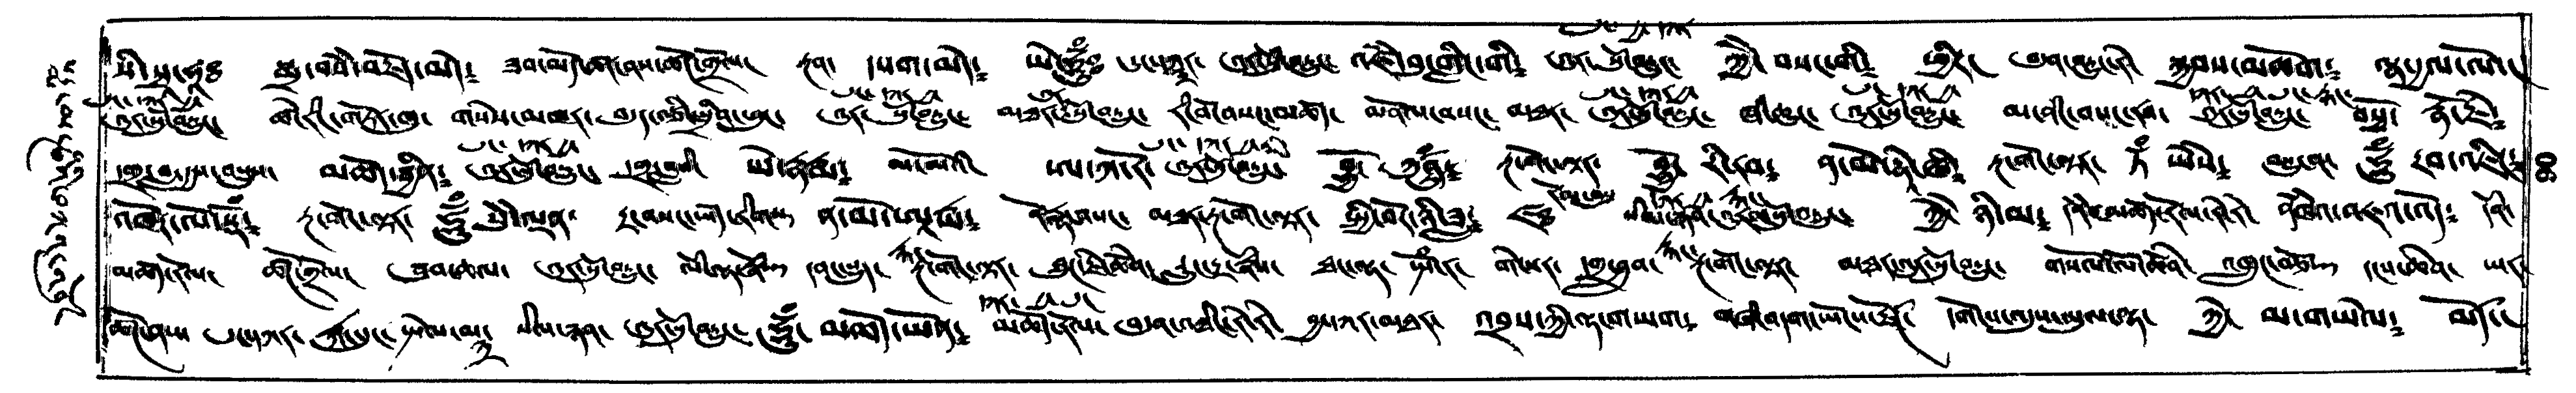སི་སྭ་ཧཱཿ སྨྲ་བསམ་བརྗོད་མེད༴ ཟབ་མདོ་ཚར་ནས་ཚོགས་གྲོལ། རྔན། དཔག་མེད༴ ཡེ་ཧཱུྃཿ དུངདཀར༣ འུར་སུམ་བརྡུང་། འཛམ་བུ་གླིང་གི༴ འུར་སུམ་བརྡུང་། དུང་རྒྱ་དཀར། ཀྱཻ། བསང་གི༴ ཕྱིར། བདུན་བརྡུང་རེ། སྐྱབས་མཆོག༴ ལྷ་རྒྱལ་ལོ། 
འུར་སུམ་བརྡུང་། དུང་དཀར་རྒྱ། ཚེ་རིང་གཏོར་འབུལ། གསེས་མཁར། བདུད་རྩི་སྤྲིན་ཕུང་། འུར་སུམ་བརྡུང་། དུང་དཀར་རྒྱ། མཐར་འུར་སུམ་བརྡུང་། རི་བོ་བསང་མཆོད། མནོལ་བསང་མཐར། འུར་སུམ་བརྡུང་དུང་།དཀར་རྒྱ། ཞི་ཆུང་། འུར་སུམ་བརྡུང་། དུང་དཀར་རྒྱ། མ་ནིང་བསང་རབ། འུར་སུམ་བརྡུང་དུང་དཀར་རྒྱ། བསྭོ། རྣོ་རྗེ་
དགྲ་བླ་རྒྱས་བསྡུས། མཆོད་སྦྱིན༴ འུར་སུམ་བརྡུང་དུང་དཀར་རྒྱ། དགྲ་བླའི། ཡེ་དྷརྨ༴ མ་མོའི ཨ་ཀ་རོ། འུར་སུམ་བརྡུང་དུང་དཀར་རྒྱ། བྷྱོ། ཀུན་ཏུ་བཟང་པོ༴ རྔ་གོང་ལྟར། བྷྱོ། རི་རབ་༴ ན་མོ་དྷཱེ་ཝི༴ རྔ་གོང་ལྟར། ཏྃཿ ཡེ་ཤེས༴ བསྡུ་ན། ཧཱུྃ། རབ་འཇིགས་༴ 
འཁོར་ལོ་སྡོམ༴ རྔ་གོང་ལྟར། ཧཱུྃ། སུམ་ལྡན། རྟ་བསང་ཡོད་རིགས། ན་མོ་ཨརྻ༴ ནོར་ལྷ་བསང་། མཐར་རྔ་གོང་ལྟར། སྤྱི་བོར་ཉི་ཟླ། ཛཿ རོལ་བརྡུང་། སིལ་སྙན་འུར་གསུམ་བརྡུང་། དཀར་རྒྱ་རྐང་། ཀྱཻ། ཉི་མ༴ དམ་ཆེན་མཆོད་རོལ་རེ་རེ། ནམ་མཁའ་འཇའ་འོད༴ དམ་ཆེན་
མཆོད་རོལ། ཚོགས་གྲོལ། སྦུབ་ཆལ། འུར་སུམ་བརྡུང་། ལམ་ལྷ་རྣམས། དན་བསྡུད། རྐང་རྔ་གོང་ལྟར། ཐུགས་རྗེ་ཆེན་པོ་རླུང་རྟ་རྣམས། ཐང་ལྷ། སྤོམ་ར། གེ་སར། དགྲ་བྲུབ། རྐང་། རྔ་གོང་ལྟར། མཐར་འུར་སུམ་བརྡུང་། གསོལ་ལོ་མཆོད་དོ། འཁྲུགས་བཅོས། གདངས་ཆེན། ཡར་
ཚོགས་ནས། དུང་དཀར་རྐང་དུང་སྤེལ་མ༣ སིལ་སྙན། འུར་སུམ་བརྡུང་། ཧཱུྃ། མཆོད་ཡོན༴ དཀར་རྒྱ་དུང་། མཆོད་རོལ། བདུན་འཐིང་རེ་རེ། བྱ་དཀར་མཐར། འབྲས་ཀྱི་ལྷ་གཡག༴ གཞི་བདག་ཡོངས་རྫོགས། དགོངས་འདུས་ཡུལ་ལྷ། ཀྱེ། མ་གཡེལ༴ མཛོད་